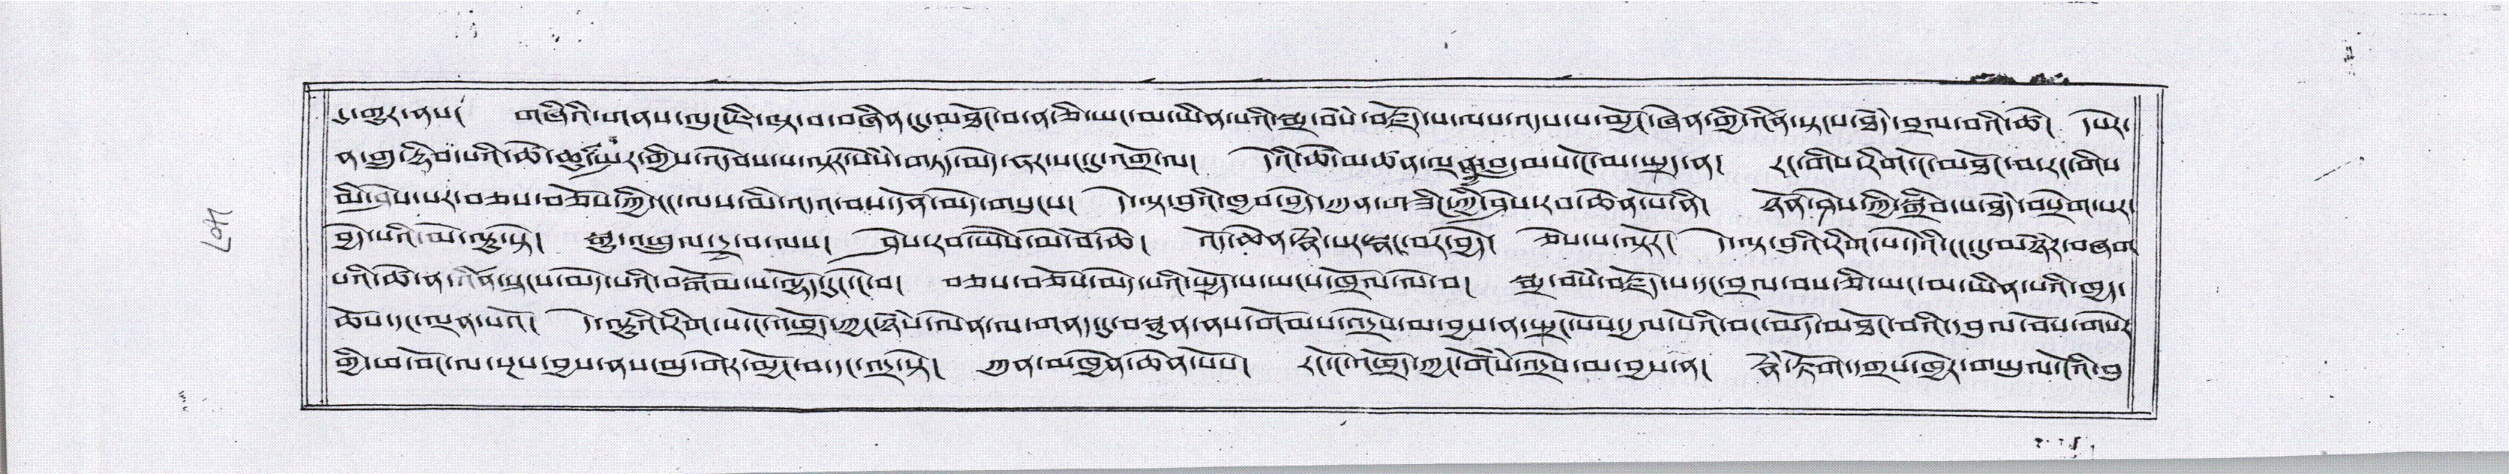དུ་གྱུར་ནས། གཞིའི་གནས་ལུགས་ཇི་ལྟ་བ་བཞིན་དུ་མཐོང་བ་ན། ཅི་ཡང་མ་ཡིན་པའི་སྨྲ་བསམ་བརྗོད་ལས་འདས་པ་མྱོང་ཞེན་གྱི་འཛིན་སྟངས་ཐམས་ཅད་བྲལ་བའི་ཚེ། དཔེར་
ན་གྲུ་རྡིབས་པའི་ཚེ་ཆུ་ལ་སྤར་གྱིས་འདེབས་པ་ལྟར་སེམས་གཏད་མེད་ཧར་སང་དུ་འགྲོ་ལ། དེའི་ཚེ་མཚན་ལྡན་བླ་མས་ངོ་མ་སྤྲད་ན། རང་གིས་རིག་ངོ་མཐོང་བ་རང་གིས་
མི་ཤེས་པར་བཅས་བཅོས་ཀྱི་ངང་ལས་མི་འདའ་བས་དོན་མེད་གསུངས། དེ་ལྟ་བུའི་ཁྱབ་བྱེད་ཀུན་གཟིགས་ཀྱི་ཤེས་རབ་ཆེན་པོ་ནི། ཉོན་ཤེས་ཀྱི་སྒྲིབ་པ་ཐམས་ཅད་སྲེག་པར་
བྱེད་པའི་མེ་ལྟ་བུ་སྟེ། སྒྱུ་འཕྲུལ་དྲྭ་བ་ལས། ཤེས་རབ་ཡེ་ཤེས་མེ་བོ་ཆེ། འོད་ཆེན་རྣམ་པར་སྣང་བར་བྱེད། ཅེས་པ་ལྟར་རོ། དེ་ལྟ་བུའི་རིག་པ་དེའི་ངང་དུ་མཉམ་པར་བཞག་
པའི་ཚེ་ན་འཛིན་སྟངས་མེད་པའི་སྒོམ་པ་ལྷོད་དུང་ངེ་བ། བཅས་བཅོས་མེད་པའི་སྤྱོད་པ་ཡང་ཁྲོལ་ལེ་བ། སྨྲ་བསམ་བརྗོད་པ་དང་བྲལ་བའི་ཅི་ཡང་མ་ཡིན་པའི་ཁྱད་
ཆོས་དང་ལྡན་པའོ། དེ་ལྟ་བུའི་རིག་པ་ངོ་འཕྲོད་ཀྱང་ཉམས་ལེན་ལ་གནད་དུ་བསྣུན་ནས་གོམས་འདྲིས་མ་བྱས་ན་སྤྲང་པོས་རྒྱལ་པོའི་བང་མཛོད་མཐོང་བའམ། དབུལ་པོས་གསེར་
གྱི་ཕ་བོང་ལ་སྔས་བྱས་ནས་མུ་གེར་མྱོང་བ་དང་འདྲ་སྟེ། ཀུན་མཁྱེན་ཆེན་པོས། རང་ངོ་འཕྲོད་ཀྱང་གོམས་འདྲིས་མ་བྱས་ན། རྣམ་རྟོག་དགྲས་ཁྱེར་གཡུལ་ངོའི་བུ་